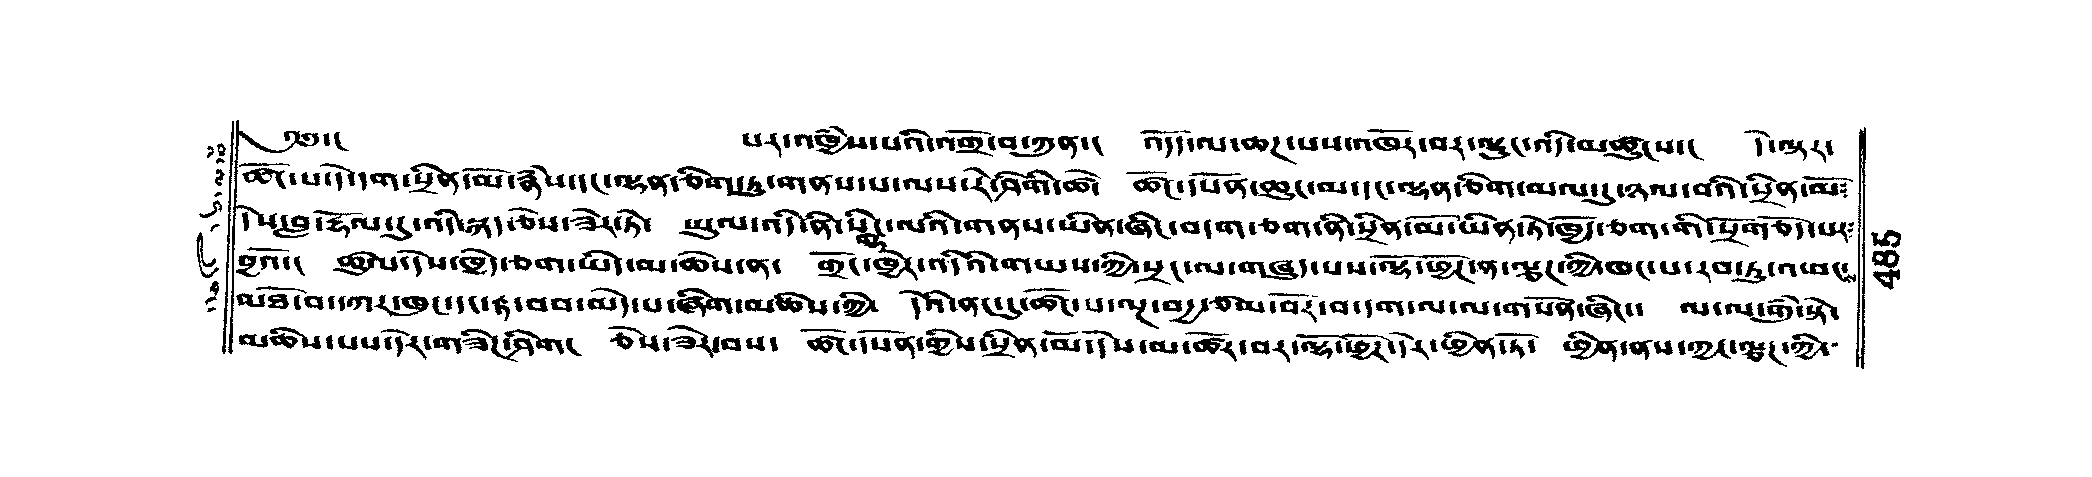པར་འཁྱམས་པའི་འགྲོ་བ་ཀུན། །འདོད་ལ་ཆགས་པས་འཁོར་བར་ལྷུང་འདི་མཚུངས། དེ་ལྟར་
ཚོང་པ་དེ་དག་སྲིན་མོ་རྣམས་དང་ལྷན་ཅིག་ཏུ་གནས་པ་ལས་རེ་ཤིག་གི་ཚེ། ཚོང་དཔོན་ཆུང་མ་དང་ལྷན་ཅིག་མལ་དུ་ཉལ་བའི་སྲིན་མོ་
དེས་བླ་རྡོལ་དུ་འདི་སྐད་ཅེས་ཟེར་ཏེ། ཡུལ་འདི་ནི་སིང་ག་ལའི་གནས་ཡིན་ཞིང་བདག་ཅག་ནི་སྲིན་མོ་ཡིན་ཏེ་ཁྱོད་ཅག་གི་སྲོག་གཅོད་པར་
བྱའོ། ཚུལ་དེས་ཁྱེད་ཅག་ཡིད་མ་ཆེས་ན། གྲོང་ཁྱེར་འདིའི་གཡས་ཀྱི་སྲང་ལ་གཞུད་པས་ལྷོ་ཕྱོགས་ན་ལྕགས་ཀྱི་ཁང་པ་རབ་ཏུ་འཕངས་
མཐོ་བ་དཀར་ཁུང་དང་རྟ་བབ་མེད་པ་ཞིག་མཆིས་ཀྱི། དེའི་ནང་དུ་ཚོང་པ་ལྔ་བརྒྱ་ཙམ་བོར་བ་དག་ལ་ལ་གསོན་ཞིང་། ལ་ལ་གུམ་སྟེ་
མཆིས་པས་དེར་གཟིགས་ཤིག ཅེས་ཟེར་བས། ཚོང་དཔོན་གྱིས་སྲིན་མོ་དེས་མ་ཚོར་བར་ལྷོ་ཕྱོགས་དེར་ཕྱིན་ཏོ། ཕྱིན་ནས་ཀྱང་ལྕགས་ཀྱི་